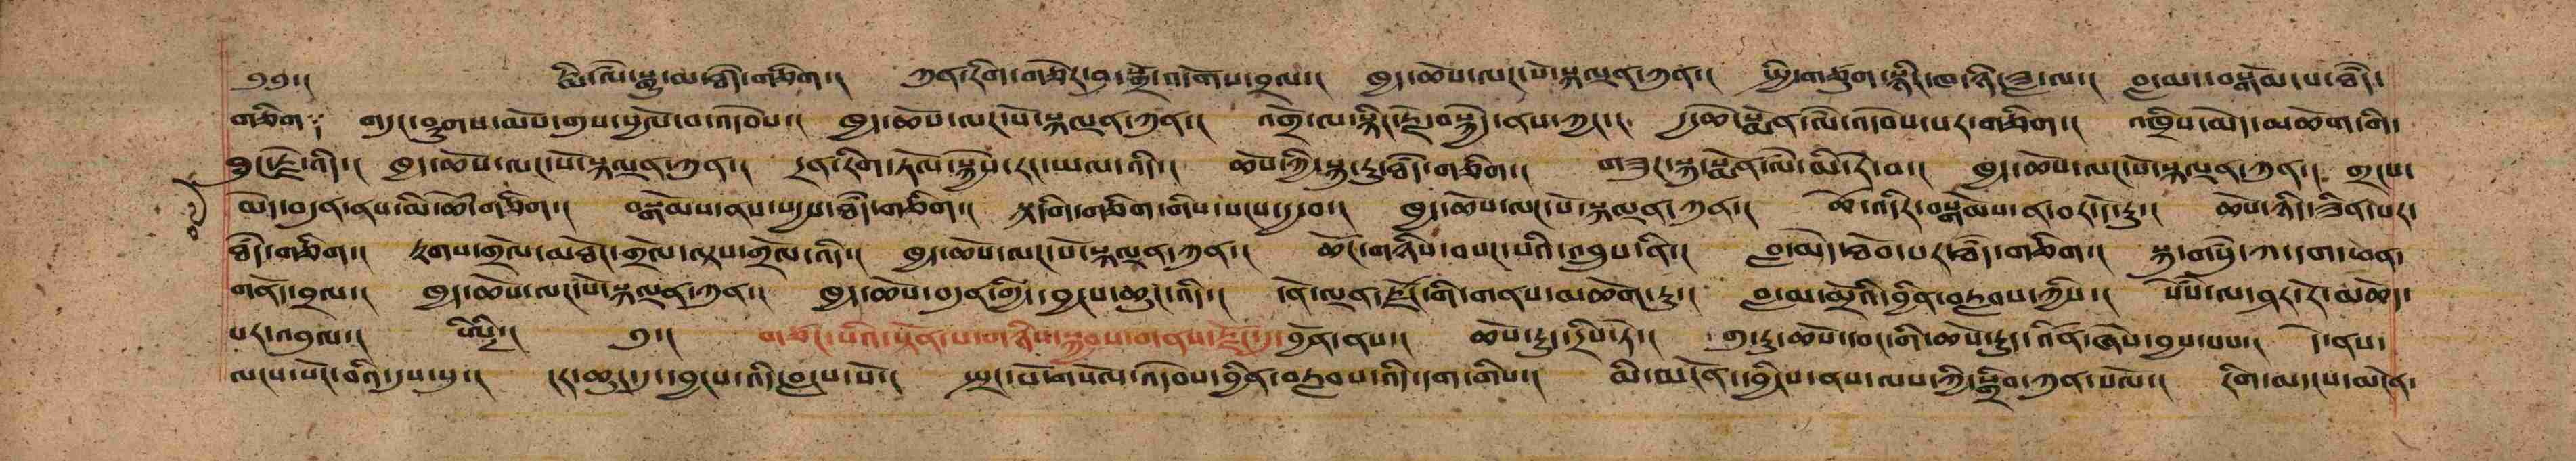༄༅།། རྨི་ལམ་སྒྱུ་མ་ཐམས་ཅད་གཅིག།། ཀུན་རིག་གཅེར་བུ་སྒྲོ་འདོགས་བྲལ།། ཁྱད་ཆོས་ལགས་སོ་སྐལ་ལྡན་ཀུན།། སྤྱི་གཙུག་སྙིང་ཁ་ནི་ཟླ་ལ། བླ་མ་བསྒོམ་པ་ཐམས་ཅད་
གཅིག༑ གདུང་ཤུགས་མོས་གུས་གསོལ་བ་འདེབས། ཁྱད་ཆོས་ལགས་སོ་སྐལ་ལྡན་ཀུན། འགྲོ་ལ་སྙིང་རྗེ་བསྐྱེད་ནས་ཀྱང་།། རྒྱ་ཆེ་སྨོན་ལམ་འདེབས་པར་གཅིག། འཁྲིས་མེད་མཆོག་གི་
ཐུགས་རྗེ་འདི།། ཁྱད་ཆོས་མང་པོ་སྐལ་ལྡན་ཀུན།། དྲན་རིག་ཏོལ་སྐྱེས་རང་ཡལ་འདི།། ཆོས་ཀྱི་སྐུ་རུ་ཐམས་ཅད་གཅིག། གཟུགས་སྐུ་སྨོན་ལམ་མི་རེ་བ།། ཁྱད་ཆོས་ལགས་སོ་སྐལ་ལྡན་ཀུན།། གྲངས་
མེད་མདུན་ནས་མི་ཚེ་གཅིག། བསྒོམས་ནས་སངས་རྒྱས་ཐམས་ཅད་གཅིག། སྐད་ཅིག་གཅིག་གིས་སངས་རྒྱ་བ།། ཁྱད་ཆོས་མང་པོ་སྐལ་ལྡན་ཀུན།། ཚེ་འདིར་བསྒོམས་ན་བར་དོ་རུ།། ཆོས་ཉིད་ཟིན་པར་
ཐམས་ཅད་གཅིག། རྟགས་གྲོལ་མཐོང་གྲོལ་ལྟས་གྲོལ་འདི།། ཁྱད་ཆོས་ལགས་སོ་སྐལ་ལྡན་ཀུན།། ཚོགས་གཉིས་བསགས་པའི་འབྲས་བུ་ནི།། བླ་མེད་ཐོབ་པར་ཐམས་ཅད་གཅིག། སྐུ་གསུམ་ཀ་དག་ཕན་
གནོད་བྲལ།། ཁྱད་ཆོས་ལགས་སོ་སྐལ་ལྡན་ཀུན།། ཁྱད་ཆོས་བདུན་གྱི་དབྱངས་ཆུང་འདི།། དོན་ལྡན་རྫོང་གི་གནས་མཆོག་ཏུ།། བླ་མ་མཁའ་འགྲོའི་བྱིན་རླབས་ཀྱིས།། སེམས་ལ་ཤར་རོ་མཆོད་
པར་འབུལ།། ཨིཊི།། ༄༅།། གཙང་པའི་སྟོན་པ་གཉིས་སྐྱབས་གནས་རྫོང་དུ་བྱོན་ནས།། ཆོས་རྒྱུད་དྲིས་ཏེ།། གུ་ཆོས་དབང་གི་ཆོས་རྒྱུད་འཛིན་ཞེས་བྱས་པས།། དེ་ནས་
ལངས་སོང་བའི་དུས་སུ།། ངར་ཆུང་དུ་དབྱངས་བླངས་སོ།། སྤྲང་པོ་གསོལ་འདེབས་བྱིན་རླབས་འདི་དག་གིས།། མི་མངོན་དབྱིངས་ནས་ལས་ཀྱི་སྒྲིབ་ཀུན་སོལ།། རིག་མདངས་མངོན་